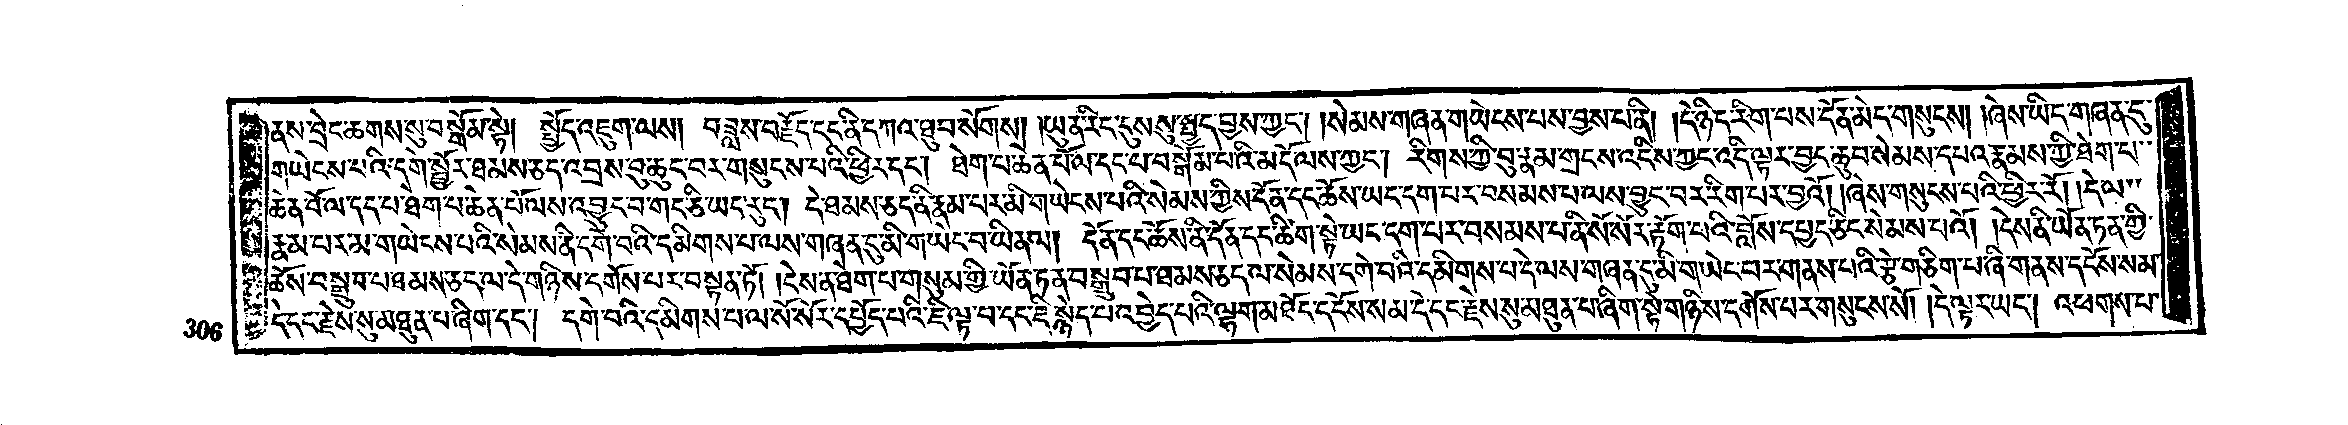ནས་བྲེང་ཆགས་སུ་བསྒོམ་སྟེ། སྤྱོད་འཇུག་ལས། བཟླས་བརྗོད་དང་ནི་དཀའ་ཐུབ་སོགས། །ཡུན་རིང་དུས་སུ་སྤྱད་བྱས་ཀྱང་། །སེམས་གཞན་གཡེངས་པས་བྱས་པ་ནི། །དེ་ཉིད་རིག་པས་དོན་མེད་གསུངས། །ཞེས་ཡིད་གཞན་དུ་
གཡེངས་པའི་དགེ་སྦྱོར་ཐམས་ཅད་འབྲས་བུ་ཆུང་བར་གསུངས་པའི་ཕྱིར་དང་། ཐེག་པ་ཆེན་པོ་ལ་དད་པ་བསྒོམ་པའི་མདོ་ལས་ཀྱང་། རིགས་ཀྱི་བུ་རྣམ་གྲངས་འདིས་ཀྱང་འདི་ལྟར་བྱང་ཆུབ་སེམས་དཔའ་རྣམས་ཀྱི་ཐེག་པ་
ཆེན་པོ་ལ་དད་པ་ཐེག་པ་ཆེན་པོ་ལས་འབྱུང་བ་གང་ཅི་ཡང་རུང་། དེ་ཐམས་ཅད་ནི་རྣམ་པར་མི་གཡེངས་པའི་སེམས་ཀྱིས་དོན་དང་ཆོས་ཡང་དག་པར་བསམས་པ་ལས་བྱུང་བར་རིག་པར་བྱའོ། །ཞེས་གསུངས་པའི་ཕྱིར་རོ། །དེ་ལ་
རྣམ་པར་མ་གཡེངས་པའི་སེམས་ནི་དགེ་བའི་དམིགས་པ་ལས་གཞན་དུ་མི་གཡེང་བ་ཡིན་ལ། དོན་དང་ཆོས་ནི་དོན་དང་ཚིག་སྟེ་ཡང་དག་པར་བསམས་པ་ནི་སོ་སོར་རྟོག་པའི་བློས་དཔྱད་ཅིང་སེམས་པའོ། །དེས་ནི་ཡོན་ཏན་གྱི་
ཆོས་བསྒྲུབ་པ་ཐམས་ཅད་ལ་དེ་གཉིས་དགོས་པར་བསྟན་ཏོ། །དེས་ན་ཐེག་པ་གསུམ་གྱི་ཡོན་ཏན་བསྒྲུབ་པ་ཐམས་ཅད་ལ་སེམས་དགེ་བའི་དམིགས་པ་དེ་ལས་གཞན་དུ་མི་གཡེང་བར་གནས་པའི་རྩེ་གཅིག་པ་ཞི་གནས་དངོས་སམ་
དེ་དང་རྗེས་སུ་མཐུན་པ་ཞིག་དང་། དགེ་བའི་དམིགས་པ་ལ་སོ་སོར་དཔྱོད་པའི་ཇི་ལྟ་བ་དང་ཇི་སྙེད་པ་འབྱེད་པའི་ལྷག་མཐོང་དངོས་སམ་དེ་དང་རྗེས་སུ་མཐུན་པ་ཞིག་སྟེ་གཉིས་དགོས་པར་གསུངས་སོ། །དེ་ལྟར་ཡང་། འཕགས་པ་